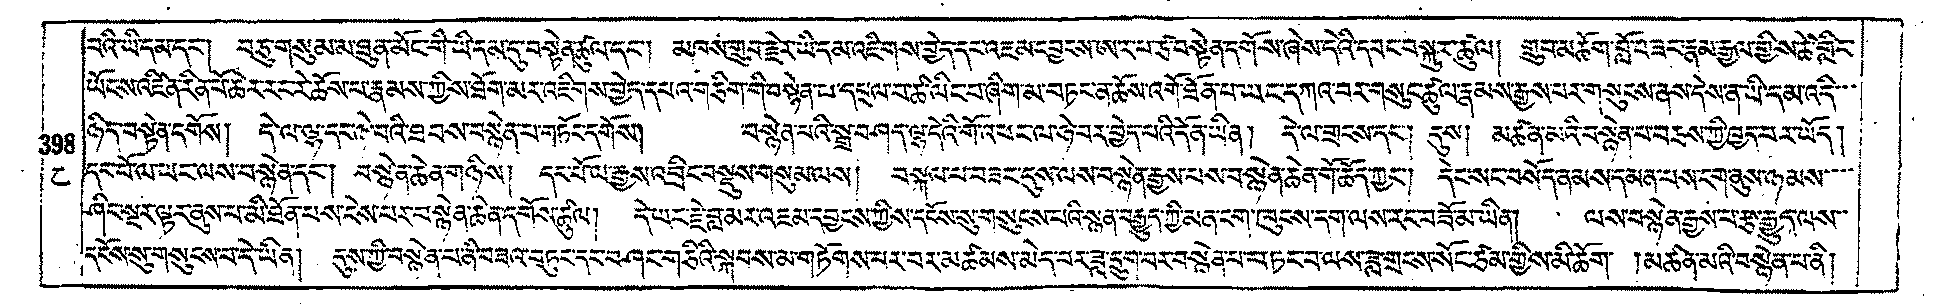བའི་ཡི་དམ་དང་། བཅུ་གསུམ་མ་ཐུན་མོང་གི་ཡི་དམ་དུ་བསྟེན་ཚུལ་དང་། མཁས་གྲུབ་རྗེར་ཡི་དམ་འཇིགས་བྱེད་དང་འཇམ་དབྱངས་ཨ་ར་པ་ཙ་བསྟེན་དགོས་ཞེས་དེའི་དབང་བསྐུར་ཚུལ། གྲུབ་མཆོག་བློ་བཟང་རྣམ་རྒྱལ་གྱིས་ཚེ་གླིང་
ཡོངས་འཛིན་རིན་པོ་ཆེར་རང་རེ་ཆོས་པ་རྣམས་ཀྱིས་ཐོག་མར་འཇིགས་བྱེད་དཔའ་གཅིག་གི་བསྙེན་པ་དཔྲལ་བ་ཚ་ལིང་བ་ཞིག་མ་བཏང་ན་ཆོས་འགོ་ཐོན་པ་ཡང་དཀའ་བར་གསུང་ཚུལ་རྣམས་རྒྱས་པར་གསུངས་ནས་དེས་ན་ཡི་དམ་འདི་་་
ཉིད་བསྟེན་དགོས། དེ་ལ་ལྷ་དང་ཉེ་བའི་ཐབས་བསྙེན་པ་གཏོང་དགོས། བསྙེན་པའི་སྒྲ་བཤད་ལྷ་དེའི་གོ་འཕང་ལ་ཉེ་བར་བྱེད་པའི་དོན་ཡིན། དེ་ལ་གྲངས་དང་། དུས། མཚན་མའི་བསྙེན་པ་བཅས་ཀྱི་ཁྱད་པར་ཡོད།
དང་པོ་ལ་ཡང་ལས་བསྙེན་དང་། བསྙེན་ཆེན་གཉིས། དང་པོ་ལ་རྒྱས་འབྲིང་བསྡུས་གསུམ་ལས། བསྐལ་པ་བཟང་དུས་ལས་བསྙེན་རྒྱས་པས་བསྙེན་ཆེན་གོ་ཆོད་ཀྱང་། དེང་སང་བསོད་ནམས་དམན་པས་ངག་ནུས་ཉམྶ་་་
ཤིང་སྔར་ལྟར་ནུས་པ་མི་ཐོན་པས་ངེས་པར་བསྙེན་ཆེན་དགོས་ཚུལ། དེ་ཡང་རྗེ་བླ་མར་འཇམ་དབྱངས་ཀྱིས་དངོས་སུ་གསུངས་པའི་སྙན་བརྒྱུད་ཀྱི་མན་ངག་ཁུངས་དག་ལས་རང་བཟོ་མ་ཡིན། ལས་བསྙེན་རྒྱས་པ་རྩ་རྒྱུད་ལས་་་
དངོས་སུ་གསུངས་པ་དེ་ཡིན། དུས་ཀྱི་བསྙེན་པ་ནི་བཟའ་བཏུང་དང་བཤང་གཅིའི་སྐབས་མ་གཏོགས་པར་བར་མཚམས་མེད་པར་ཟླ་དྲུག་བར་བསྙེན་པ་བཏང་བ་ལས་ཟླ་གྲངས་སོང་ཙམ་གྱིས་མི་ཆོག །མཚན་མའི་བསྙེན་པ་ནི།